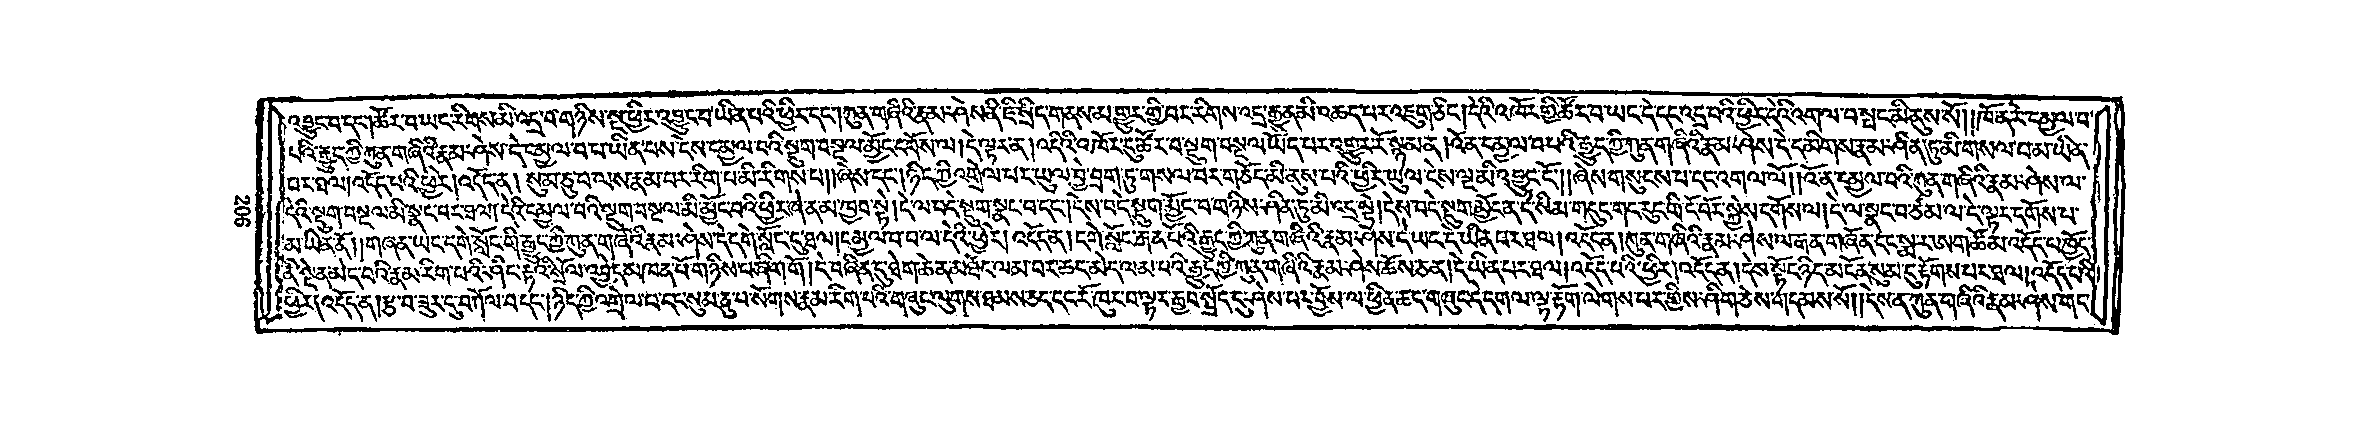འབྱུང་བ་དང་། ཚོར་བ་ཡང་རིགས་མི་འདྲ་བ་གཉིས་སྔ་ཕྱིར་འབྱུང་བ་ཡིན་པའི་ཕྱིར་དང་། ཀུན་གཞིའི་རྣམ་ཤེས་ནི་ཇི་སྲིད་གནས་མ་གྱུར་གྱི་བར་རིགས་འདྲ་རྒྱུན་མི་འཆད་པར་འཇུག་ཅིང་། དེའི་འཁོར་གྱི་ཚོར་བ་ཡང་དེ་དང་འདྲ་བའི་ཕྱིར་དེའི་འགལ་བ་སྤང་མི་ནུས་སོ། །ཁོ་ན་རེ་དམྱལ་བ་
པའི་རྒྱུད་ཀྱི་ཀུན་གཞིའི་རྣམ་ཤེས་དེ་དམྱལ་བ་པ་ཡིན་པས་དེས་དམྱལ་བའི་སྡུག་བསྔལ་མྱོང་དགོས་ལ། དེ་ལྟར་ན། འདིའི་འཁོར་དུ་ཚོར་བ་སྡུག་བསྔལ་ཡོད་པར་འགྱུར་རོ་སྙམ་ན། འོན་དམྱལ་བ་པའི་རྒྱུད་ཀྱི་ཀུན་གཞིའི་རྣམ་ཤེས་དེ་དམིགས་རྣམ་ཤིན་ཏུ་མི་གསལ་བ་མ་ཡིན་
པར་ཐལ། འདོད་པའི་ཕྱིར། འདོད་ན། སུམ་ཅུ་པ་ལས་རྣམ་པར་རིག་པ་མི་རིགས་པ། །ཞེས་དང་། ཉིད་ཀྱི་འགྲེལ་པར་ཡུལ་བྱེ་བྲག་ཏུ་གསལ་བར་གཅོད་མི་ནུས་པའི་ཕྱིར་ཡུལ་ངེས་ལྔ་མི་འབྱུང་ངོ། །ཞེས་གསུངས་པ་དང་འགལ་ལོ། །འོ་ན་དམྱལ་བའི་ཀུན་གཞིའི་རྣམ་ཤེས་ལ་
དེའི་སྡུག་བསྔལ་མི་སྣང་བར་ཐལ། དེའི་དམྱལ་བའི་སྡུག་བསྔལ་མི་མྱོང་བའི་ཕྱིར་ཞེ་ན་མ་ཁྱབ་སྟེ། དེ་ལ་བདེ་སྡུག་སྣང་བ་དང་། དེས་བདེ་སྡུག་མྱོང་བ་གཉིས་ཤིན་ཏུ་མི་འདྲ་སྟེ། དེས་བདེ་སྡུག་མྱོང་ན་དེ་སིམ་གདུང་གང་རུང་གི་ངོ་བོར་སྐྱེས་དགོས་ལ། དེ་ལ་སྣང་བ་ཙམ་ལ་དེ་ལྟར་དགོས་པ་
མ་ཡིན་ནོ། །གཞན་ཡང་དགེ་སློང་གི་རྒྱུད་ཀྱི་ཀུན་གཞིའི་རྣམ་ཤེས་དེ་དགེ་སློང་དུ་ཐལ། དམྱལ་བ་བ་ལ་དེའི་ཕྱིར། འདོད་ན། དགེ་སློང་རྒན་པོའི་རྒྱུད་ཀྱི་ཀུན་གཞིའི་རྣམ་ཤེས་དེ་ཡང་དེ་ཡིན་པར་ཐལ། འདོད་ན། ཀུན་གཞིའི་རྣམ་ཤེས་ལ་རྒན་གཞོན་དང་སྨ་ར་ཨག་ཚོམ་འདོད་པ་ཁྱོད་
ནི་སྡེན་མེད་པའི་རྣམ་རིག་པའི་ཤིང་རྟའི་སྲོལ་འབྱེད་མཁན་པོ་གཉིས་པ་ཞིག་གོ །དེ་བཞིན་དུ་ཐེག་ཆེན་མཐོང་ལམ་བར་ཆད་མེད་ལམ་པའི་རྒྱུད་ཀྱི་ཀུན་གཞིའི་རྣམ་ཤེས་ཆོས་ཅན། དེ་ཡིན་པར་ཐལ། འདོད་པའི་ཕྱིར། འདོད་ན། དེས་སྟོང་ཉིད་མངོན་སུམ་དུ་རྟོགས་པར་ཐལ། འདོད་པའི་
ཕྱིར། འདོད་ན། རྩ་བ་ཟུར་དུ་བཀོལ་བ་དང་། ཉིད་ཀྱི་འགྲེལ་བ་དང་སུམ་ཅུ་པ་སོགས་རྣམ་རིག་པའི་གཞུང་ལུགས་ཐམས་ཅད་དང་རོ་ཁུར་བ་ལྟར་རྒྱབ་སྤྲོད་དུ་ཤེས་པར་བྱོས་ལ་ཕྱིན་ཆད་གཞུང་དེ་དག་ལ་ལྟ་རྟོག་ལེགས་པར་གྱིས་ཤིག་ཅེས་གདམས་སོ། །དེས་ན་ཀུན་གཞིའི་རྣམ་ཤེས་གང་